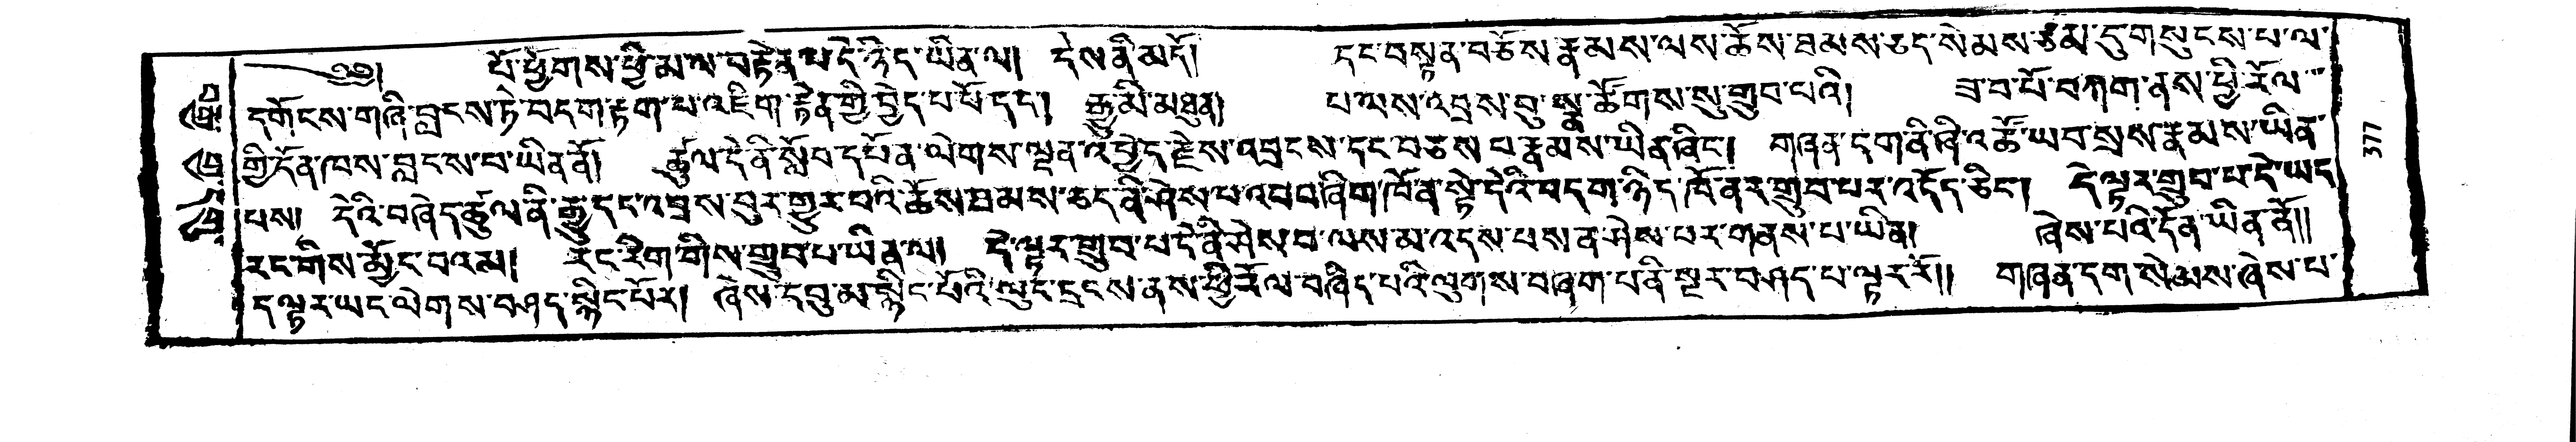༄༅། །པོ་ཕྱོགས་ཕྱི་མ་ལ་བརྟེན་པ་དེ་ཉིད་ཡིན་ལ། དེས་ནི་མདོ། དང་བསྟན་བཅོས་རྣམས་ལས་ཆོས་ཐམས་ཅད་སེམས་ཙམ་དུ་གསུངས་པ་ལ་
དགོངས་གཞི་བླངས་ཏེ་བདག་རྟག་པ་འཇིག་རྟེན་གྱི་བྱེད་པ་པོ་དང་། རྒྱུ་མི་མཐུན། པ་ལས་འབྲས་བུ་སྣ་ཚོགས་སུ་གྲུབ་པའི། ཟ་བ་པོ་བཀག་ནས་ཕྱི་རོལ་
གྱི་དོན་ཁས་བླངས་པ་ཡིན་ནོ། ཚུལ་དེ་ནི་སློབ་དཔོན་ལེགས་ལྡན་འབྱེད་རྗེས་འབྲངས་དང་བཅས་པ་རྣམས་ཡིན་ཞིང་། གཞན་དག་ནི་ཞི་འཚོ་ཡབ་སྲས་རྣམས་ཡིན་
པས། དེའི་བཞེད་ཚུལ་ནི་རྒྱུ་དང་འབྲས་བུར་གྱུར་པའི་ཆོས་ཐམས་ཅད་ནི་ཤེས་པ་འབབ་ཞིག་ཁོ་ན་སྟེ་དེའི་བདག་ཉིད་ཁོ་ནར་གྲུབ་པར་འདོད་ཅིང་། དེ་ལྟར་གྲུབ་པ་དེ་ཡང་
རང་གིས་མྱོང་བའམ། རང་རིག་གིས་གྲུབ་པ་ཡིན་ལ། དེ་ལྟར་གྲུབ་པ་དེ་ནི་ཤེས་བ་ལས་མ་འདས་པས་ན་ཤེས་པར་གནས་པ་ཡིན། ཞེས་པའི་དོན་ཡིན་ནོ། །
དེ་ལྟར་ཡང་ལེགས་བཤད་སྙིང་པོར། ཞེས་དབུ་མ་སྙིང་པོའི་ལུང་དྲངས་ནས་ཕྱི་རོལ་བཞིད་པའི་ལུགས་བཞག་པ་ནི་སྔར་བཤད་པ་ལྟར་རོ། །གཞན་དག་སེམས་ཞེས་པ་